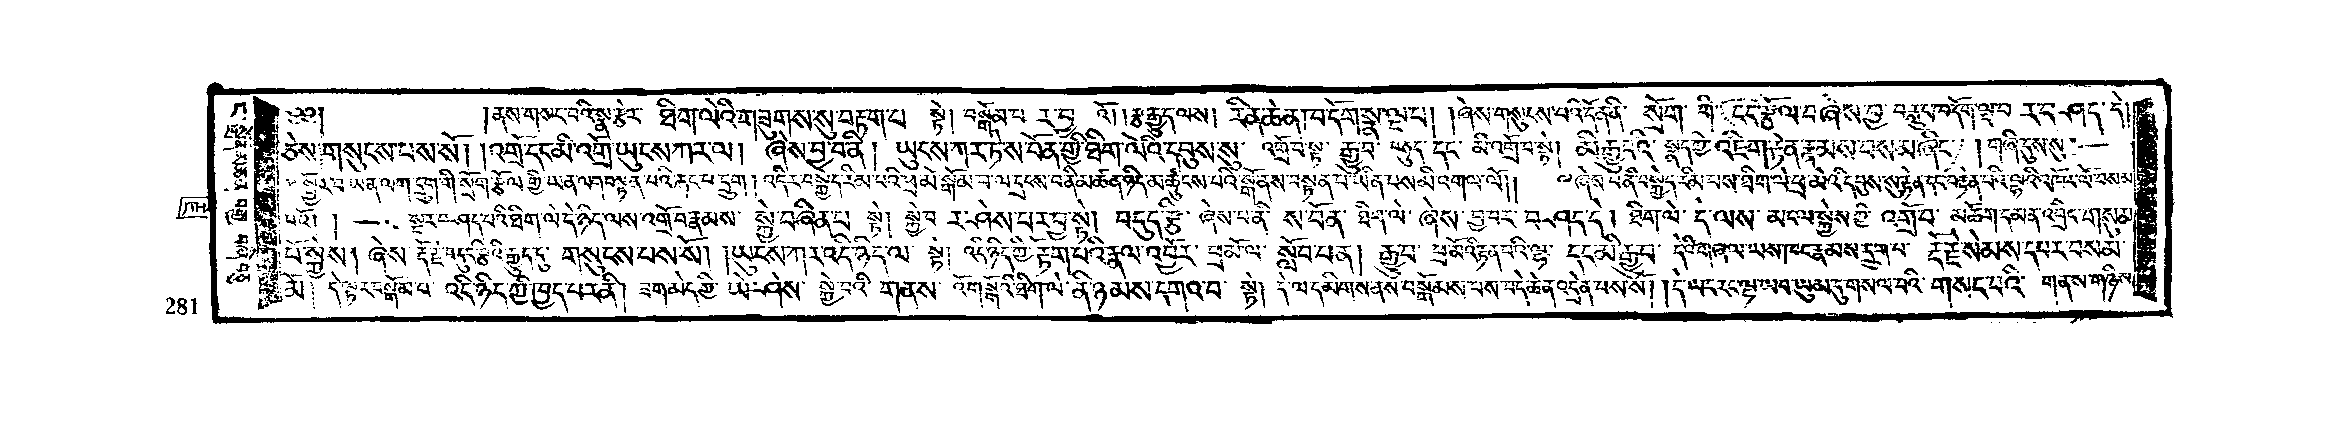༄༅། །ནས་གསང་བའི་སྣ་རྩེར་ཐིག་ལེའི་གཟུགས་སུ་བརྟག་པ་སྟེ། བསྒོམ་པར་བྱའོ། ། རྩ་རྒྱུད་ལས།  རིན་ཆེན་ཁ་དོག་སྣ་ལྔ་པ། ། ཞེས་གསུངས་པའི་དོན་ནི་སྲོག་གི་ངང་རྩོལ་བ་ཞེས་བྱ་བ་རླུང་ཁ་དོག་ལྔ་པར་བཤད་དེ།
ཅེས་གསུངས་པས་སོ། །འགྲོ་དང་མེ་འགྲོ་ཡུངས་ཀར་ལ། ཞེས་བྱ་བ་ནི། ཡུངས་ཀར་ཏེ་ས་བོན་གྱི་ཐིག་ལེའི་དབུས་སུ་འགྲོ་བ་སྟེ་རྒྱུ་བ་བཅུད་དང་མི་འགྲོ་བ་སྟེ།  མི་རྒྱུ་བའི་སྣོད་ཀྱི་འཇིག་རྟེན་རྣམས་བསམ་ཞིང་། གཞི་དུས་སུཿ
༧སྦྱོར་བ་ཡན་ལག་དྲུག་གི་སྲོག་རྩོལ་གྱི་ཡན་ལག་བསྟན་པའི་རྐང་པ་དྲུག །འདིར་བསྐྱེད་རིམ་པའི་ཕྲ་མོ་སྒོམ་པ་ལ་དྲངས་པ་ནི་མཚན་ཉིད་མཚུངས་པའི་སྒོ་ནས་བསྟན་པ་ཡིན་པས་མི་འགལ་ལོ།། ༧ཞེས་པ་ནི་བསྐྱེད་རིམ་པས་ཐིག་ལེ་ཕྲ་མོའི་དབུས་སུ་རྟེན་དང་བརྟེན་པའི་ལྷའི་འཁོར་ལོ་བསམ་
པའོ། །.H སྔར་བཤད་པའི་ཐིག་ལེ་དེ་ཉིད་ལས་འགྲོ་བ་རྣམས་སྐྱེ་བཞིན་པ་སྟེ། སྐྱེ་བར་ཤེས་པར་བྱ་སྟེ། བདུད་རྩི་ཞེས་པ་ནི་ས་བོན་ཐིག་ལེ་ཞེས་བྱ་བར་བཤད་དེ། ཐིག་ལེ་དེ་ལས་མངལ་སྐྱེས་ཀྱི་འགྲོ་བ་མཆོག་དམན་འབྲིང
གསུམ་པོ་སྐྱེས། ཞེས་རྡོ་རྗེ་བདུད་རྩིའི་རྒྱུད་དུ་གསུངས་པས་སོ། །ཡུངས་ཀར་འདི་ཉིད་ལ་སྟེ། འདི་ཉིད་ཀྱི་རྟོག་པའི་རྣལ་འབྱོར་ཕྲ་མོ་ལ་སློབ་པ་ན། རྒྱུ་བ་ཕྲ་མོའི་རྟན་པའི་ལྷ་དང་མི་རྒྱུ་པ་དེའི་གཞལ་ཡས་ཁང་རྣམས་དྲུག་པ་རྡོ་རྗེ་སེམས་དཔར་བསམ་
མོ། དེ་ལྟར་བསྒོམ་པ་འདི་ཉིད་ཀྱི་ཁྱད་པར་ནི། ཟག་མེད་ཀྱི་ཡེ་ཤེས་སྐྱེ་བའི་གནས་འོག་སྒོའི་ཐིག་ལེ་ནི་ཉམས་དགའ་བ་སྟེ། དེ་ལ་དམིགས་ནས་བསྒོམས་པས་བདེ་ཆེན་འདྲེན་པས་སོ། །དེ་ཡང་རང་ལྷ་ཡབ་ཡུམ་དུ་གསལ་བའི་གསང་བའི་གནས་གཉིས